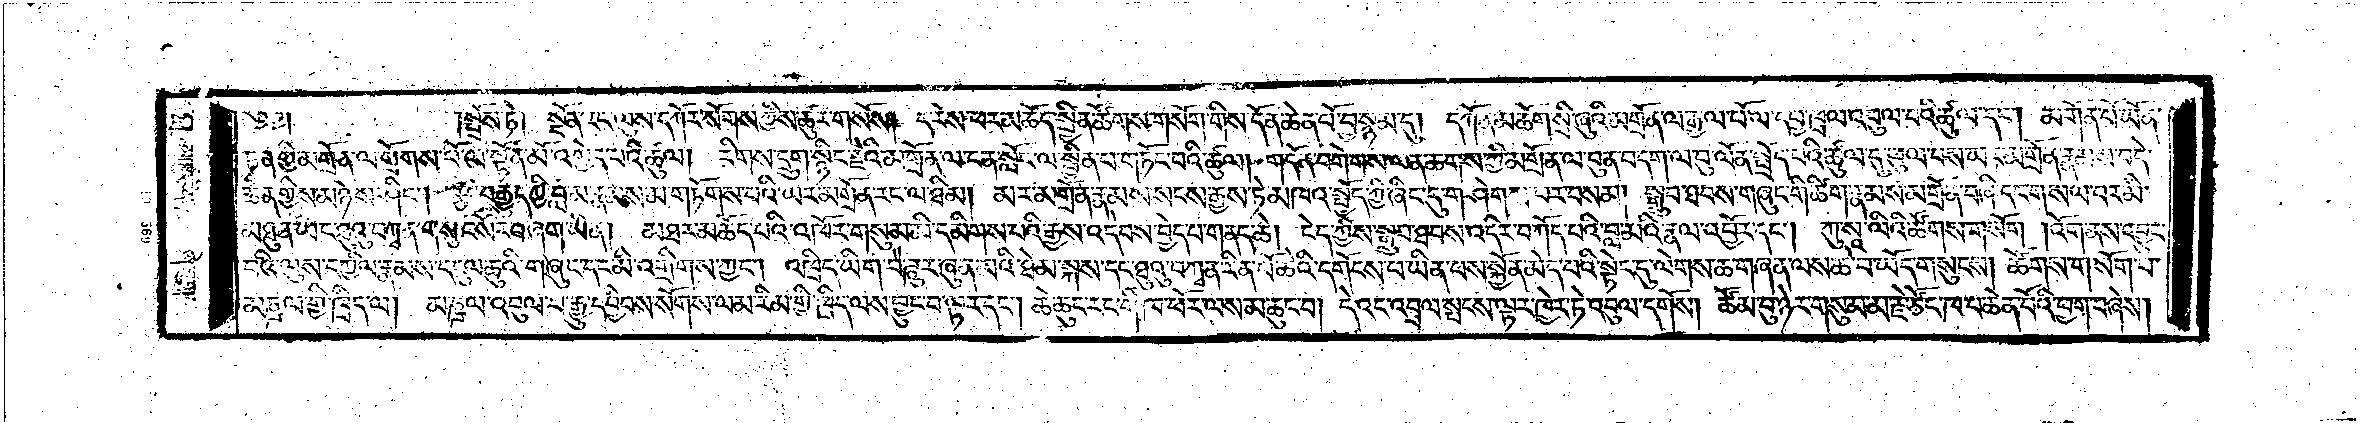༄༅། །སྤྲོས་ཏེ། སྔོན་རང་ལུས་དཀོར་སོགས་ཀྱིས་ཚུར་གསོས། ད་རེས་ཕར་མཆོད་སྦྱིན་ཚོགས་གསོག་གིས་དོན་ཆེན་པོ་བྱ་སྙམ་དུ། དཀོན་མཆོག་སྲི་ཞུའི་མགྲོན་ལ་རྒྱལ་པོ་ལ་དབྱ་ཁྲལ་འབུལ་བའི་ཚུལ་དང་། མགོན་པོ་ཡོན་
ཏན་གྱི་མགྲོན་ལ་གྲོགས་པོ་ལ་སྟོན་མོ་འགྱེད་པའི་ཚུལ། རིགས་དྲུག་སྙིང་རྗེའི་མགྲོན་ལ་ངན་སློང་ལ་སྦྱིན་པ་གཏོང་བའི་ཚུལ། གདོན་བགེགས་ལན་ཆགས་ཀྱི་མགྲོན་ལ་བུན་བདག་ལ་བུ་ལོན་སྤྲོད་པའི་ཚུལ་དུ་ཕུལ་བས་ཡར་མགྲོན་རྣམས་བདེ་
ཆེན་གྱིས་མཉེས་ཤིང་། རྩ་བརྒྱུད་ཀྱི་བླ་མ་རྣམས་མ་གཏོགས་པའི་ཡར་མགྲོན་རང་ལ་ཐིམ། མར་མགྲོན་རྣམས་སངས་རྒྱས་ཏེ་མཁའ་སྤྱོད་ཀྱི་ཞིང་དུ་གཤེགས་པར་བསམ། སྒྲུབ་ཐབས་གཞུང་གི་ཚིག་རྣམས་མགྲོན་བཞི་དང་གསལ་བར་མི་
མཐུན་ཡང་ཐུའུ་བཀྭན་གསུང་སོར་བཞག་ཡིན། མཐར་མཆོད་པའི་འཁོར་གསུམ་མི་དམིགས་པའི་རྒྱས་འདེབས་བྱེད་པ་གནད་ཆེ། ངེད་ཀྱིས་སྒྲུབ་ཐབས་འདིར་བཀོད་པའི་བླ་མའི་རྣལ་འབྱོར་དང་། ཀུ་སཱ་ལིའི་ཚོགས་གསོག །འོག་ནས་འབྱུང་
བའི་ལུས་དཀྱིལ་རྣམས་དངུལ་ཆུའི་གཞུང་དང་མི་འགྲིགས་ཀྱང་། འཁྲིད་ཡིག་བཻ་ཌཱུར་ཞུན་མའི་ཐེམ་སྐས་དང་ཐུའུ་བཀྭན་རིན་པོ་ཆེའི་དགོངས་པ་ཡིན་པས་སྐྱོན་མེད་པའི་སྟེང་དུ་ལེགས་ཆ་གཞན་ལས་ཆེ་བ་ཡོད་གསུངས། ཚོགས་གསོག་པ་
མཎྜལ་གྱི་ཁྲིད་ལ། མཎྜལ་འབུལ་བ་རྒྱུ་དབྱིབས་སོགས་ལམ་རིམ་གྱི་ཁྲིད་ལས་བྱུང་བ་ལྟར་དང་། ཆེ་ཆུང་རང་གི་ཁ་ཕོར་ལས་མ་ཆུང་བ། དེ་འང་འབྲལ་སྤངས་ལྟར་ཁྱེར་ཏེ་འབུལ་དགོས། ཚོམ་བུ་ཉེར་གསུམ་མྲྗེ་ཙོང་ཁ་པ་ཆེན་པོའི་ཕྱག་བཞེས།